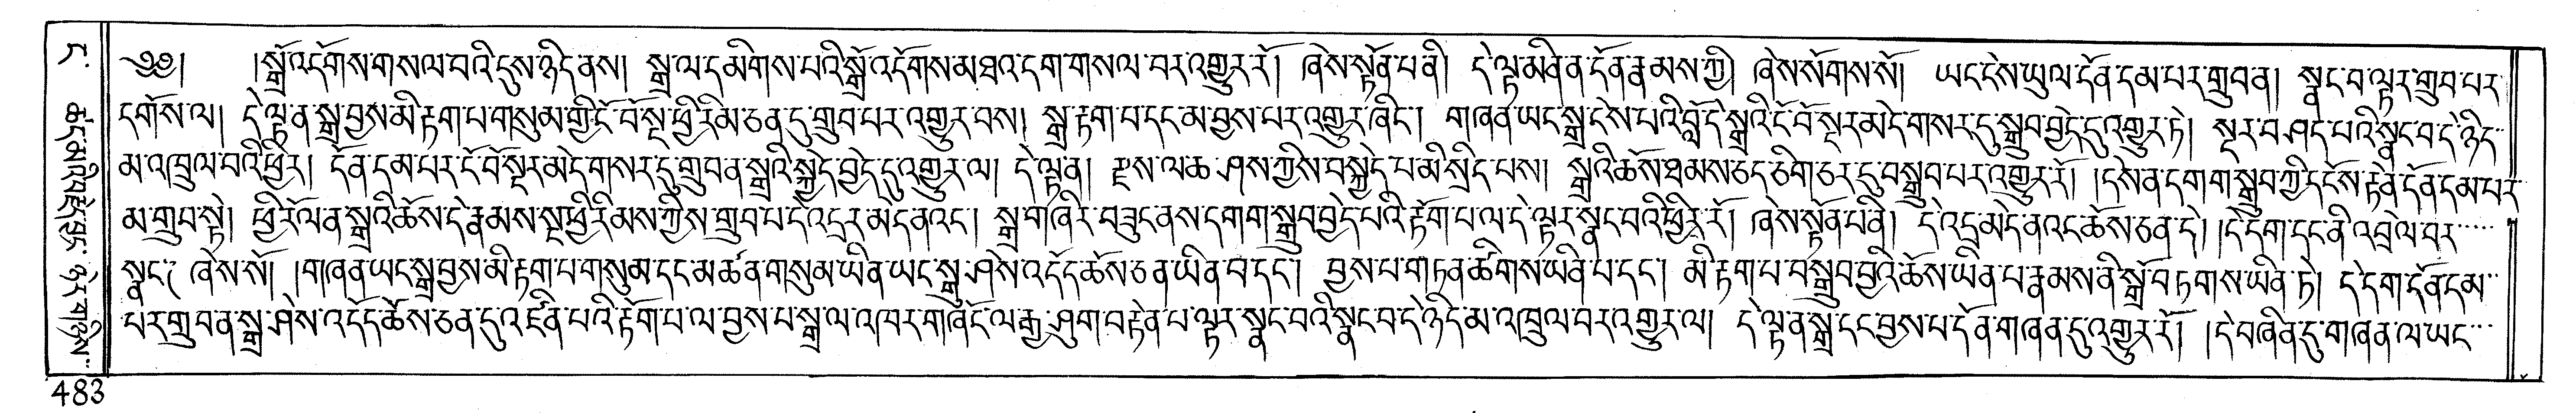༄༅། །སྒྲོ་འདོགས་གསལ་བའི་དུས་ཉིད་ནས། སྒྲ་ལ་དམིགས་པའི་སྒྲོ་འདོགས་མཐའ་དག་གསལ་བར་འགྱུར་རོ། ཞེས་སྟོན་པ་ནི། དེ་ལྟ་མིན་ན་དོན་རྣམས་ཀྱི། ཞེས་སོགས་སོ། ཡང་ངེས་ཡུལ་དོན་དམ་པར་གྲུབ་ན། སྣང་བ་ལྟར་གྲུབ་པར་
དགོས་ལ། དེ་ལྟ་ན་སྒྲ་བྱས་མི་རྟག་པ་གསུམ་གྱི་ངོ་བོ་སྔ་ཕྱི་རིམ་ཅན་དུ་གྲུབ་པར་འགྱུར་བས། སྒྲ་རྟག་པ་དང་མ་བྱས་པར་འགྱུར་ཞིང་། གཞན་ཡང་སྒྲ་ངེས་པའི་བློ་དེ་སྒྲའི་ངོ་བོ་སྔར་མེད་གསར་དུ་སྒྲུབ་བྱེད་དུ་འགྱུར་ཏེ། སྔར་བཤད་པའི་སྣང་བ་དེ་ཉིད་
མ་འཁྲུལ་བའི་ཕྱིར། དོན་དམ་པར་ངོ་བོ་སྔར་མེད་གསར་དུ་གྲུབ་ན་སྒྲའི་སྐྱེད་བྱེད་དུ་འགྱུར་ལ། དེ་ལྟ་ན། རྫས་ལ་ཆ་ཤས་ཀྱིས་བསྐྱེད་པ་མི་སྲིད་པས། སྒྲའི་ཆོས་ཐམས་ཅད་ཅིག་ཅར་དུ་བསྒྲུབ་པར་འགྱུར་རོ། །དེས་ན་དགག་སྒྲུབ་ཀྱི་དངོས་རྟེན་དོན་དམ་པར་
མ་གྲུབ་སྟེ། ཕྱི་རོལ་ན་སྒྲའི་ཆོས་དེ་རྣམས་སྔ་ཕྱི་རིམས་ཀྱིས་གྲུབ་པ་དེ་འདྲར་མེད་ནའང་། སྒྲ་གཞིར་བཟུང་ནས་དགག་སྒྲུབ་བྱེད་པའི་རྟོག་པ་ལ་དེ་ལྟར་སྣང་བའི་ཕྱིར་རོ། ཞེས་སྟོན་པ་ནི། དེ་འདྲ་མེད་ནའང་ཆོས་ཅན་དེ། །དེ་དག་དང་ནི་འབྲེལ་བར་
སྣང༑ ཞེས་སོ། །གཞན་ཡང་སྒྲ་བྱས་མི་རྟག་པ་གསུམ་དང་མཚན་གསུམ་ཡིན་ཡང་སྒྲ་ཤེས་འདོད་ཆོས་ཅན་ཡིན་པ་དང་། བྱས་པ་གཏན་ཚིགས་ཡིན་པ་དང་། མི་རྟག་པ་བསྒྲུབ་བྱའི་ཆོས་ཡིན་པ་རྣམས་ནི་སྒྲོ་བཏགས་ཡིན་ཏེ། དེ་དག་དོན་དམ་
པར་གྲུབ་ན་སྒྲ་ཤེས་འདོད་ཆོས་ཅན་དུ་འཛིན་པའི་རྟོག་པ་ལ་བྱས་པ་སྒྲ་ལ་འཁར་གཞོང་ལ་རྒྱ་ཤུག་བརྟེན་པ་ལྟར་སྣང་བའི་སྣང་བ་དེ་ཉིད་མ་འཁྲུལ་བར་འགྱུར་ལ། དེ་ལྟ་ན་སྒྲ་དང་བྱས་པ་དོན་གཞན་དུ་འགྱུར་རོ། །དེ་བཞིན་དུ་གཞན་ལ་ཡང་